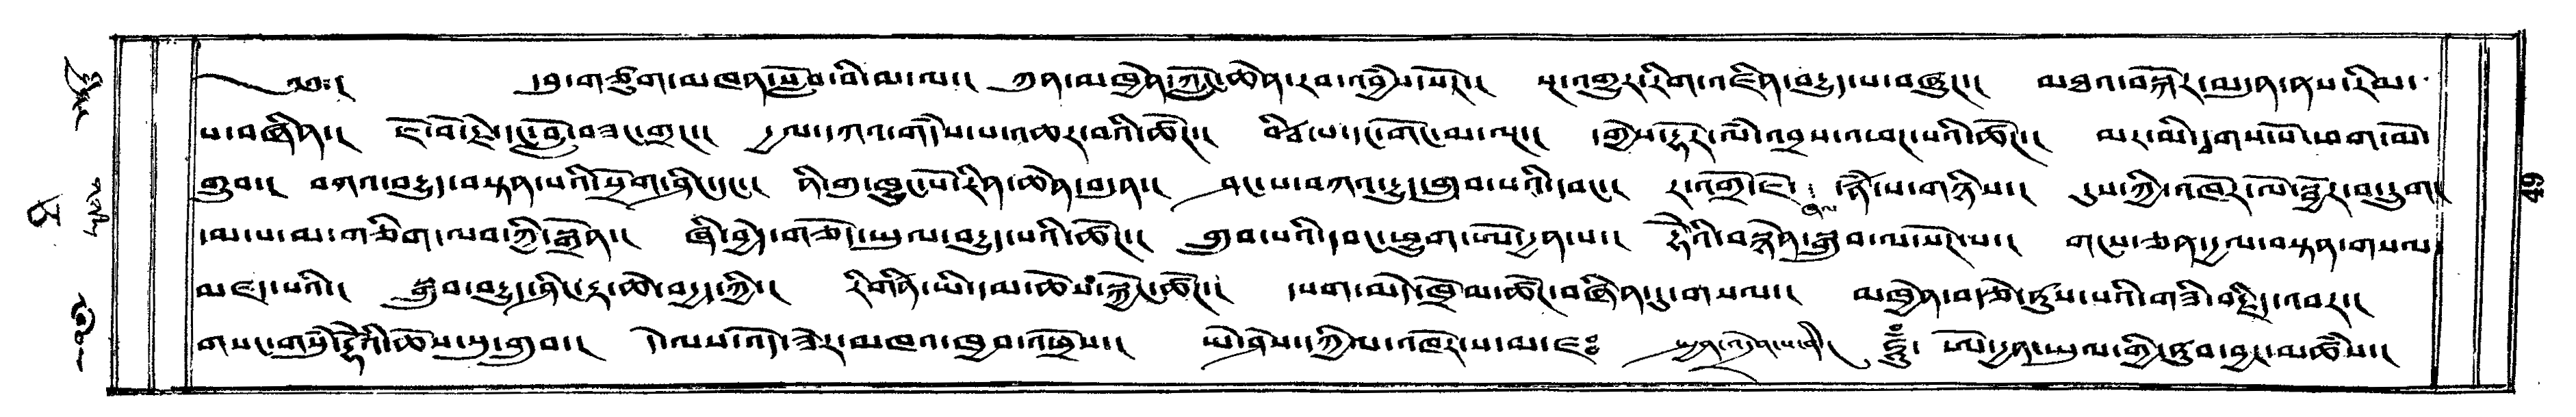།དབུ་གཙུག་མཁན་སློབ་བཱི་མ་ལ། །ཀུན་མཁྱེན་ཀློང་ཆེན་རབ་འབྱམས་སོགས། །སྔ་འགྱུར་རིག་འཛིན་བརྒྱུད་པ་བཞུགས། །མཐའ་བསྐོར་མདུན་ནས་རིམ་
པ་བཞིན། །ཇོ་བོ་རྗེ་དང་བློ་བཟང་གྲགས། །རྒྱལ་བཀའ་གདམས་པ་འཆར་བའི་ཚོགས། །བིརྦ་པ་དང་གོང་མ་ལྔ་། །དགྱེས་རྡོར་ལམ་འབྲས་འཕགས་པའི་ཚོགས། །མར་མི་དྭགས་པོ་ཕག་མོ་
གྲུབ། །བཀའ་བརྒྱུད་བསྟན་པའི་སྲོག་ཤིང་དང་། །ནེ་གུ་ཁྱུང་པོ་རིན་ཆེན་བདུན། །ཤངས་པ་བཀའ་རྒྱུད་གྲུབ་པའི་དབང་། །ར་འགྲོ་ཇོ་ཞལ་རྣམ་པ་གཉིས། །དུས་ཀྱི་འཁོར་ལོ་སྦྱོར་བ་དྲུག །
དམ་པ་མ་གཅིག་ལབ་ཀྱི་སྒྲོན། །ཞི་བྱེད་གཅོད་ཡུལ་བརྒྱུད་པའི་ཚོགས། །གྲུབ་པའི་དབང་ཕྱུག་ཨོ་རྒྱན་པ། །རྡོ་རྗེའི་བསྙེན་སྒྲུབ་ལ་སོགས་པ། །གངས་ཅན་རྒྱལ་བསྟན་གསལ་
མཛད་པའི། །སྒྲུབ་བརྒྱུད་ཤིང་རྟ་ཆེ་བརྒྱད་ཀྱི། །རིག་འཛིན་ཡི་དམ་ཆོས་སྐྱོང་ཚོགས། །དཔག་མེད་ཁྲོམ་ཚོགས་བཞིན་དུ་གསལ། །མཁྱེན་བརྩེ་ནུས་པའི་གཟི་བརྗིད་འབར། །
གསང་གསུམ་རྡོ་རྗེའི་ཆོས་སུ་གྲུབ། །དེ་ལས་འོད་ཟེར་མཁའ་ཁྱབ་འཕྲོས། །ཡེ་ཤེས་དཀྱིལ་འཁོར་ས་མ་ཛཿསྤྱན་འདྲེན་པ་ནི། ཧཱུྃ། ཨོ་རྒྱན་ཡུལ་གྱི་ནུབ་བྱང་མཚམས།